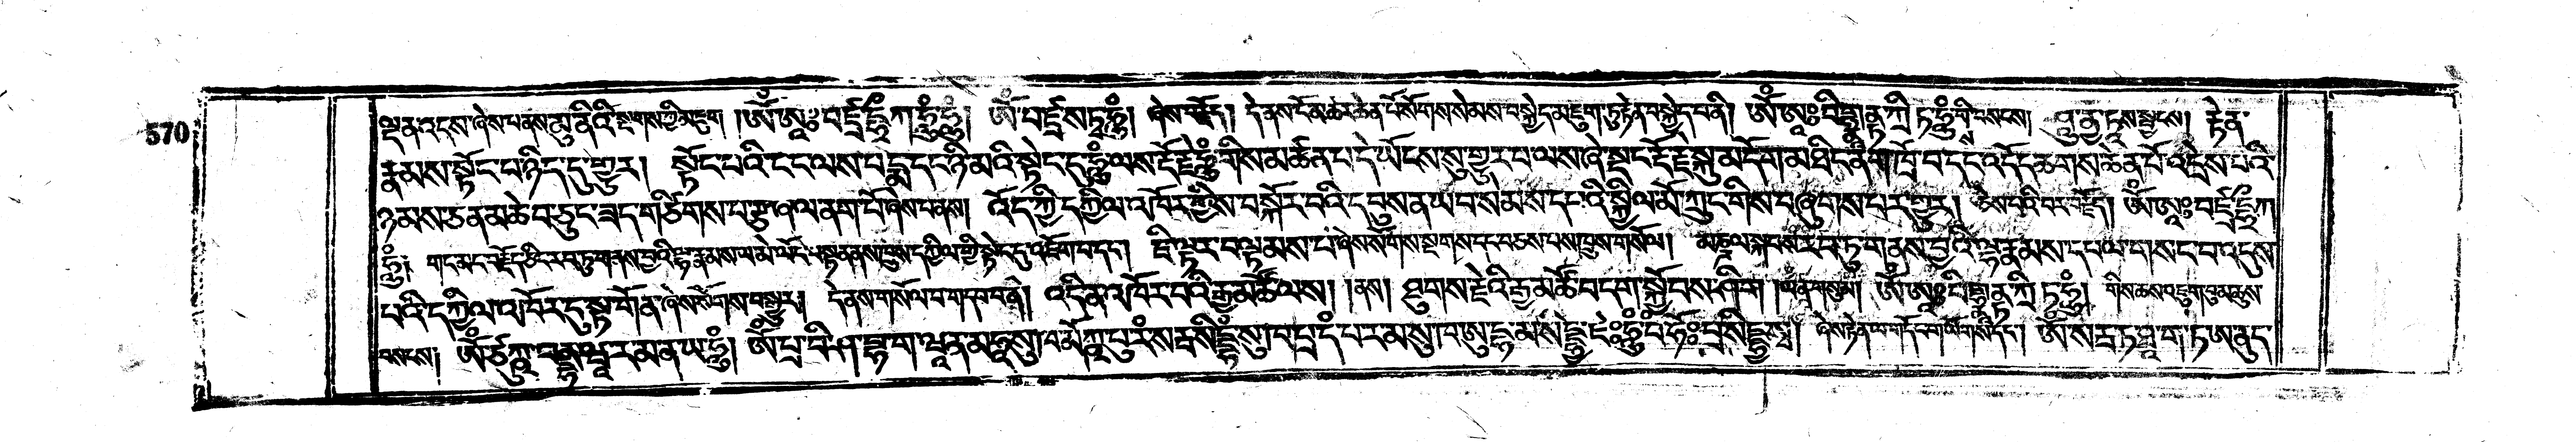ལྡན་འདས་ཞེས་པ་ནས་མུ་ནིའི་སྔགས་ཀྱི་མཇུག་།ཨོཾ་ཨཱཿབཛྲ་དྷྲྀ་ཀ་ཧཱུཾ་ཧཱུཾ། ཨོཾ་བཛྲ་སཏྭ་ཧཱུཾ། ཞེས་བརྗོད། དེ་ནས་ངོ་མཆར་ཆེན་པོ་སོགས་སེམས་བསྐྱེད་མཇུག་ཏུ་རེན་བསྐྱེད་པ་ནི།  ཨོཾ་ཨཱཿབིགྷྣཱ་ཀྲིཏ་ཧཱུཾ་གིས་བསངས།  ཤཱུ་ནྱ་ཏཱས་སྦྱངས།  རྟེན་
རྣམས་སྟོང་པ་ཉིད་དུ་གྱུར། སྟོང་པའི་ངང་ལས་པདམ་དང་ཉི་མའི་སྟེང་དུ་ཧཱུཾ་ལས་རྡོ་རྗེ་ཧཱུམ་གྱིས་མཚན་པ་དེ་ཡོངས་སུ་གྱུར་པ་ལས་ཞེ་སྡང་རྡོ་རྗེ་སྐུ་མདོག་མཐིང་ནི་ག་ཁྲོ་བ་དང་འདོད་ཆགས་ཆེན་པོ་འདྲེས་པའི་
ཉམས་ཅན་མཆེ་བ་ཅུང་ཟད་གཙིགས་པ་རྩ་ཞལ་ནག་པོ་ཞེས་པ་ནས།  འོད་ཀྱི་དཀྱིལ་འཁོར་གྱིས་བསྐོར་བའི་དབུས་ན་ཡབ་སེམས་དཔའི་སྐྱིལ་མོ་ཀྲུང་གིས་བཞུགས་པར་གྱུར། ཅེས་པའི་བར་བརྗོད།  ཨོཾ་ཨཱཿབཛྲ་དྷྲྀ་ཀ་
ཧཱུཾ། གང་མང་བརྗོད་ཅིང་རབ་ཏུ་གནས་བྱའི་ལྷ་རྣམས་ལ་མེ་ལོང་བསྟན་ནས་ཁྲུས་དཀྱིལ་གྱི་སྟེང་དུ་འཇོག་པ་དང་།  ཇི་ལྟར་བལྟམས་པ་ཞེས་སོགས་སྔགས་དང་བཅས་པས་ཁྲུས་གསོལ། མཎྜལ་སྐབས་རབ་ཏུ་གནས་བྱའི་ལྷ་རྣམས་དཔལ་གསང་བ་འདུས་
པའི་དཀྱིལ་འཁོར་དུ་སྟ་གོན་ཞེས་སོགས་བསྒྱུར། དེ་ནས་གསོལ་བ་གདབ་པ་ནི།  འདི་ན་འཁོར་བའི་རྒྱ་མཚོ་ལས། །ནས།  ཐུགས་རྗེའི་རྒྱ་མཚོ་བདག་སྐྱོབས་ཤིག་།ལན་གསུམ།  ཨོཾ་ཨཱཿབིགྷྣཱ་ཀྲིཏ་ཧཱུཾ། གིས་ཆས་འཇུག་བུམ་ནུས་
བསངས། ཨོཾ་ཙཀྵུ་བནྡྷ་ཝཱ་ར་མ་ན་ཡ་ཧཱུཾ། ཨོཾ་པྲ་བི་ཤ་བྷ་ག་ཝཱ་ན་མཧཱ་སུ་ཁ་མོཀྵ་པུ་རཾ་སརྦ་སིངྒྷ་སུ་ཁ་པྲ་དཾ་པ་ར་མ་སུ་ཁ་ཨུ་དྷ་མ་སིངྒྷྱ་ཛཿཧཱུཾ་བཾ་ཧོཿཔྲ་སིངྒྷྱ་སྭ། ཞེས་རྟེན་ལ་གདོང་གཡོགས་དང་།  ཨོཾ་སརྦ་ཏ་ཐཱ་ག་ཏ་ཨ་ནུད་